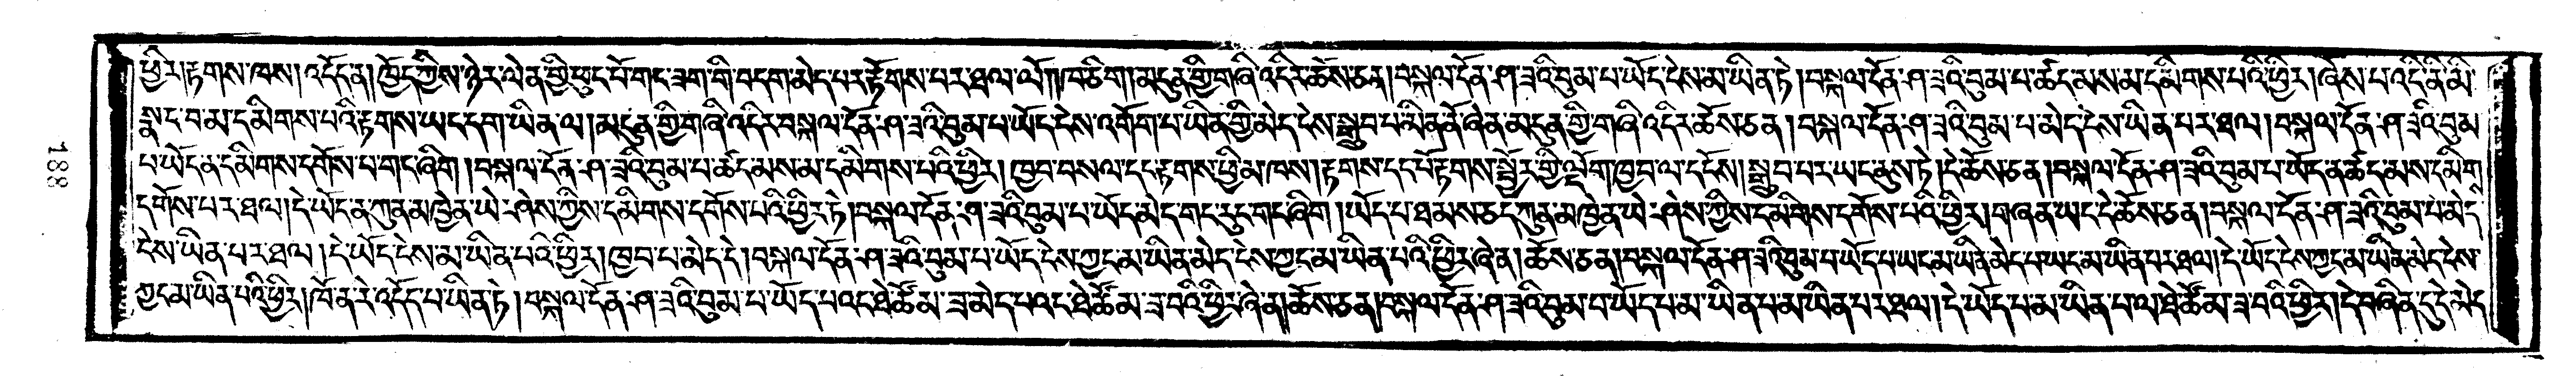ཕྱིར། རྟགས་ཁས། འདོད་ན། ཁྱོད་ཀྱིས་ཉེར་ལེན་གྱི་ཕུང་པོ་གང་ཟག་གི་བདག་མེད་པར་རྟོགས་པར་ཐལ་ལོ། །ཁ་ཅིག །མདུན་གྱི་གཞི་འདིར་ཆོས་ཅན། བསྐལ་དོན་ཤ་ཟའི་བུམ་པ་ཡོད་ངེས་མ་ཡིན་ཏེ། བསྐལ་དོན་ཤ་ཟའི་བུམ་པ་ཚད་མས་མ་དམིགས་པའི་ཕྱིར། ཞེས་པ་འདི་ནི་མི་
སྣང་བ་མ་དམིགས་པའི་རྟགས་ཡང་དག་ཡིན་ལ། མདུན་གྱི་གཞི་འདིར་བསྐལ་དོན་ཤ་ཟའི་བུམ་པ་ཡོད་ངེས་འགོག་པ་ཡིན་གྱི་མེད་ངེས་སྒྲུབ་པ་མིན་ནོ་ཞེ་ན་མདུན་གྱི་གཞི་འདིར་ཆོས་ཅན། བསྐལ་དོན་ཤ་ཟའི་བུམ་པ་མེད་ངེས་ཡིན་པར་ཐལ། བསྐལ་དོན་ཤ་ཟའི་བུམ་
པ་ཡོད་ན་དམིགས་དགོས་པ་གང་ཞིག །བསྐལ་དོན་ཤ་ཟའི་བུམ་པ་ཆད་མས་མ་དམིགས་པའི་ཕྱིར། ཁྱབ་བསལ་དང་རྟགས་ཕྱི་མ་ཁས། རྟགས་དང་པོ་རྟགས་སྦྱོར་གྱི་ལྡོག་ཁྱབ་ལ་དངོས། སྒྲུབ་པར་ཡང་ནུས་ཏེ། དེ་ཆོས་ཅན། བསྐལ་དོན་ཤ་ཟའི་བུམ་པ་ཡོད་ན་ཚད་མས་དམིགས་
དགོས་པར་ཐལ། དེ་ཡོད་ན་ཀུན་མཁྱེན་ཡེ་ཤེས་ཀྱིས་དམིགས་དགོས་པའི་ཕྱིར་ཏེ། བསྐལ་དོན་ཤ་ཟའི་བུམ་པ་ཡོད་མེད་གང་རུང་གང་ཞིག །ཡོད་པ་ཐམས་ཅད་ཀུན་མཁྱེན་ཡེ་ཤེས་ཀྱིས་དམིགས་དགོས་པའི་ཕྱིར། གཞན་ཡང་དེ་ཆོས་ཅན། བསྐལ་དོན་ཤ་ཟའི་བུམ་པ་མེད་
ངེས་ཡིན་པར་ཐལ། དེ་ཡོད་ངེས་མ་ཡིན་པའི་ཕྱིར། ཁྱབ་པ་མེད་དེ། བསྐལ་དོན་ཤ་ཟའི་བུམ་པ་ཡོད་ངེས་ཀྱང་མ་ཡིན་མེད་ངེས་ཀྱང་མ་ཡིན་པའི་ཕྱིར་ཞེ་ན། ཆོས་ཅན། བསྐལ་དོན་ཤ་ཟའི་བུམ་པ་ཡོད་པ་ཡང་མ་ཡིན་མེད་པ་ཡང་མ་ཡིན་པར་ཐལ། དེ་ཡོད་ངེས་ཀྱང་མ་ཡིན་མེད་ངེས་
ཀྱང་མ་ཡིན་པའི་ཕྱིར། ཁོ་ན་རེ་འདོད་པ་ཡིན་ཏེ། བསྐལ་དོན་ཤ་ཟའི་བུམ་པ་ཡོད་པའང་ཐེ་ཚོམ་ཟ་མེད་པའང་ཐེ་ཚོམ་ཟ་བའི་ཕྱིར་ཞེ་ན། ཆོས་ཅན། བསྐལ་དོན་ཤ་ཟའི་བུམ་པ་ཡོད་པ་མ་ཡིན་པ་མ་ཡིན་པར་ཐལ། དེ་ཡོད་པ་མ་ཡིན་པ་ལ་ཐེ་ཚོམ་ཟ་བའི་ཕྱིར། དེ་བཞིན་དུ་དེ་མེད་